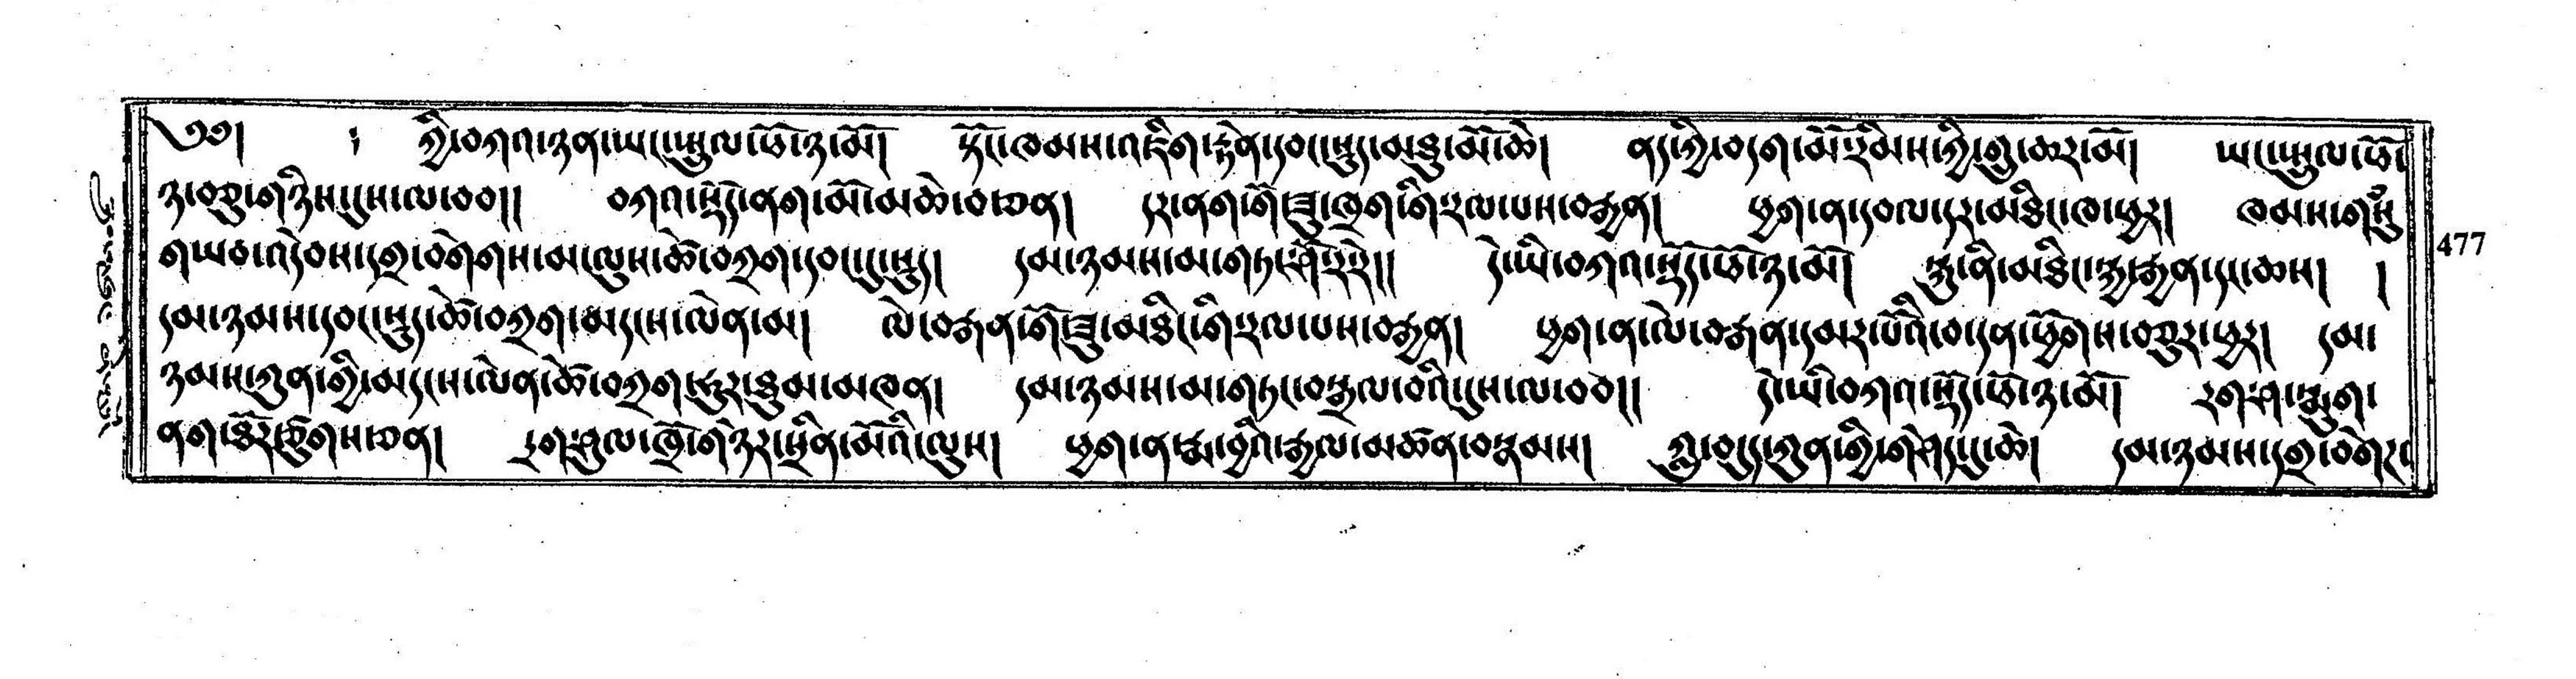ཀྱི་བཀའ་ཉན་ཡང་སྤྲུལ་ཕོ་ཉ་མོ། སྟོང་ཁམས་འཇིག་རྟེན་དབང་སྡུད་མཐུ་མོ་ཆེ། ནད་ཀྱི་བདག་མོ་རིམས་ཀྱི་གྲུ་ཆར་མོ། ཡང་སྤྲུལ་ཕོ་
ཉ་བཅུ་གཉིས་དུས་ལ་བབ།། བཀའ་སྡོད་ནག་མོ་མཆེ་བ་ཅན། དར་ནག་གོ་ཟུ་ཁྲག་གི་{490}རལ་པས་བརྒྱན། ཕྱག་ན་དབལ་དར་མཐིང་ཁ་ཕྱར། ཁམས་གསུམ་
གཡབ་འདེབས་དགྲ་བགེགས་མ་ལུས་ཚེ་བཀྲག་དབང་དུ་སྡུད། དམ་ཉམས་མ་གཏང་ཤོ་ར་རེ།། དེ་ཡི་བཀའ་སྡོད་ཕོ་ཉ་མོ། སྐུ་ནི་མཐིང་སྐྱ་རྒྱན་དང་ཆས། 
དམ་ཉམས་དབང་སྡུད་ཚེ་བཀྲག་མདངས་ལེན་མ། ལེ་བརྒན་གོ་ཟུ་མཐིང་གི་རལ་པས་བརྒྱན། ཕྱག་ན་ལེ་བརྒན་དམར་པོའི་བ་དན་ཕྱོགས་བཅུར་ཕྱར། དམ་
ཉམས་ཀུན་གྱི་མདངས་ལེན་ཚེ་བཀྲག་ཧུར་ཐུམ་མཁན། དམ་ཉམས་མ་གཏང་བསྒྲལ་བའི་དུས་ལ་བབ།། དེ་ཡི་བཀའ་སྡོད་ཕོ་ཉ་མོ། རག་ཤ་སྨུག་
ནག་ཐོར་ཙུགས་ཅན། དྲག་ཤུལ་ཁྲོ་གཉེར་སྲིན་མོའི་ལུས། ཕྱག་ན་རྨ་བྱའི་རྒྱལ་མཚན་བསྣམས། ཀླུ་བདུད་ཀུན་གྱི་གཤེད་དུ་ཆེ། དམ་ཉམས་དགྲ་བགེགས་